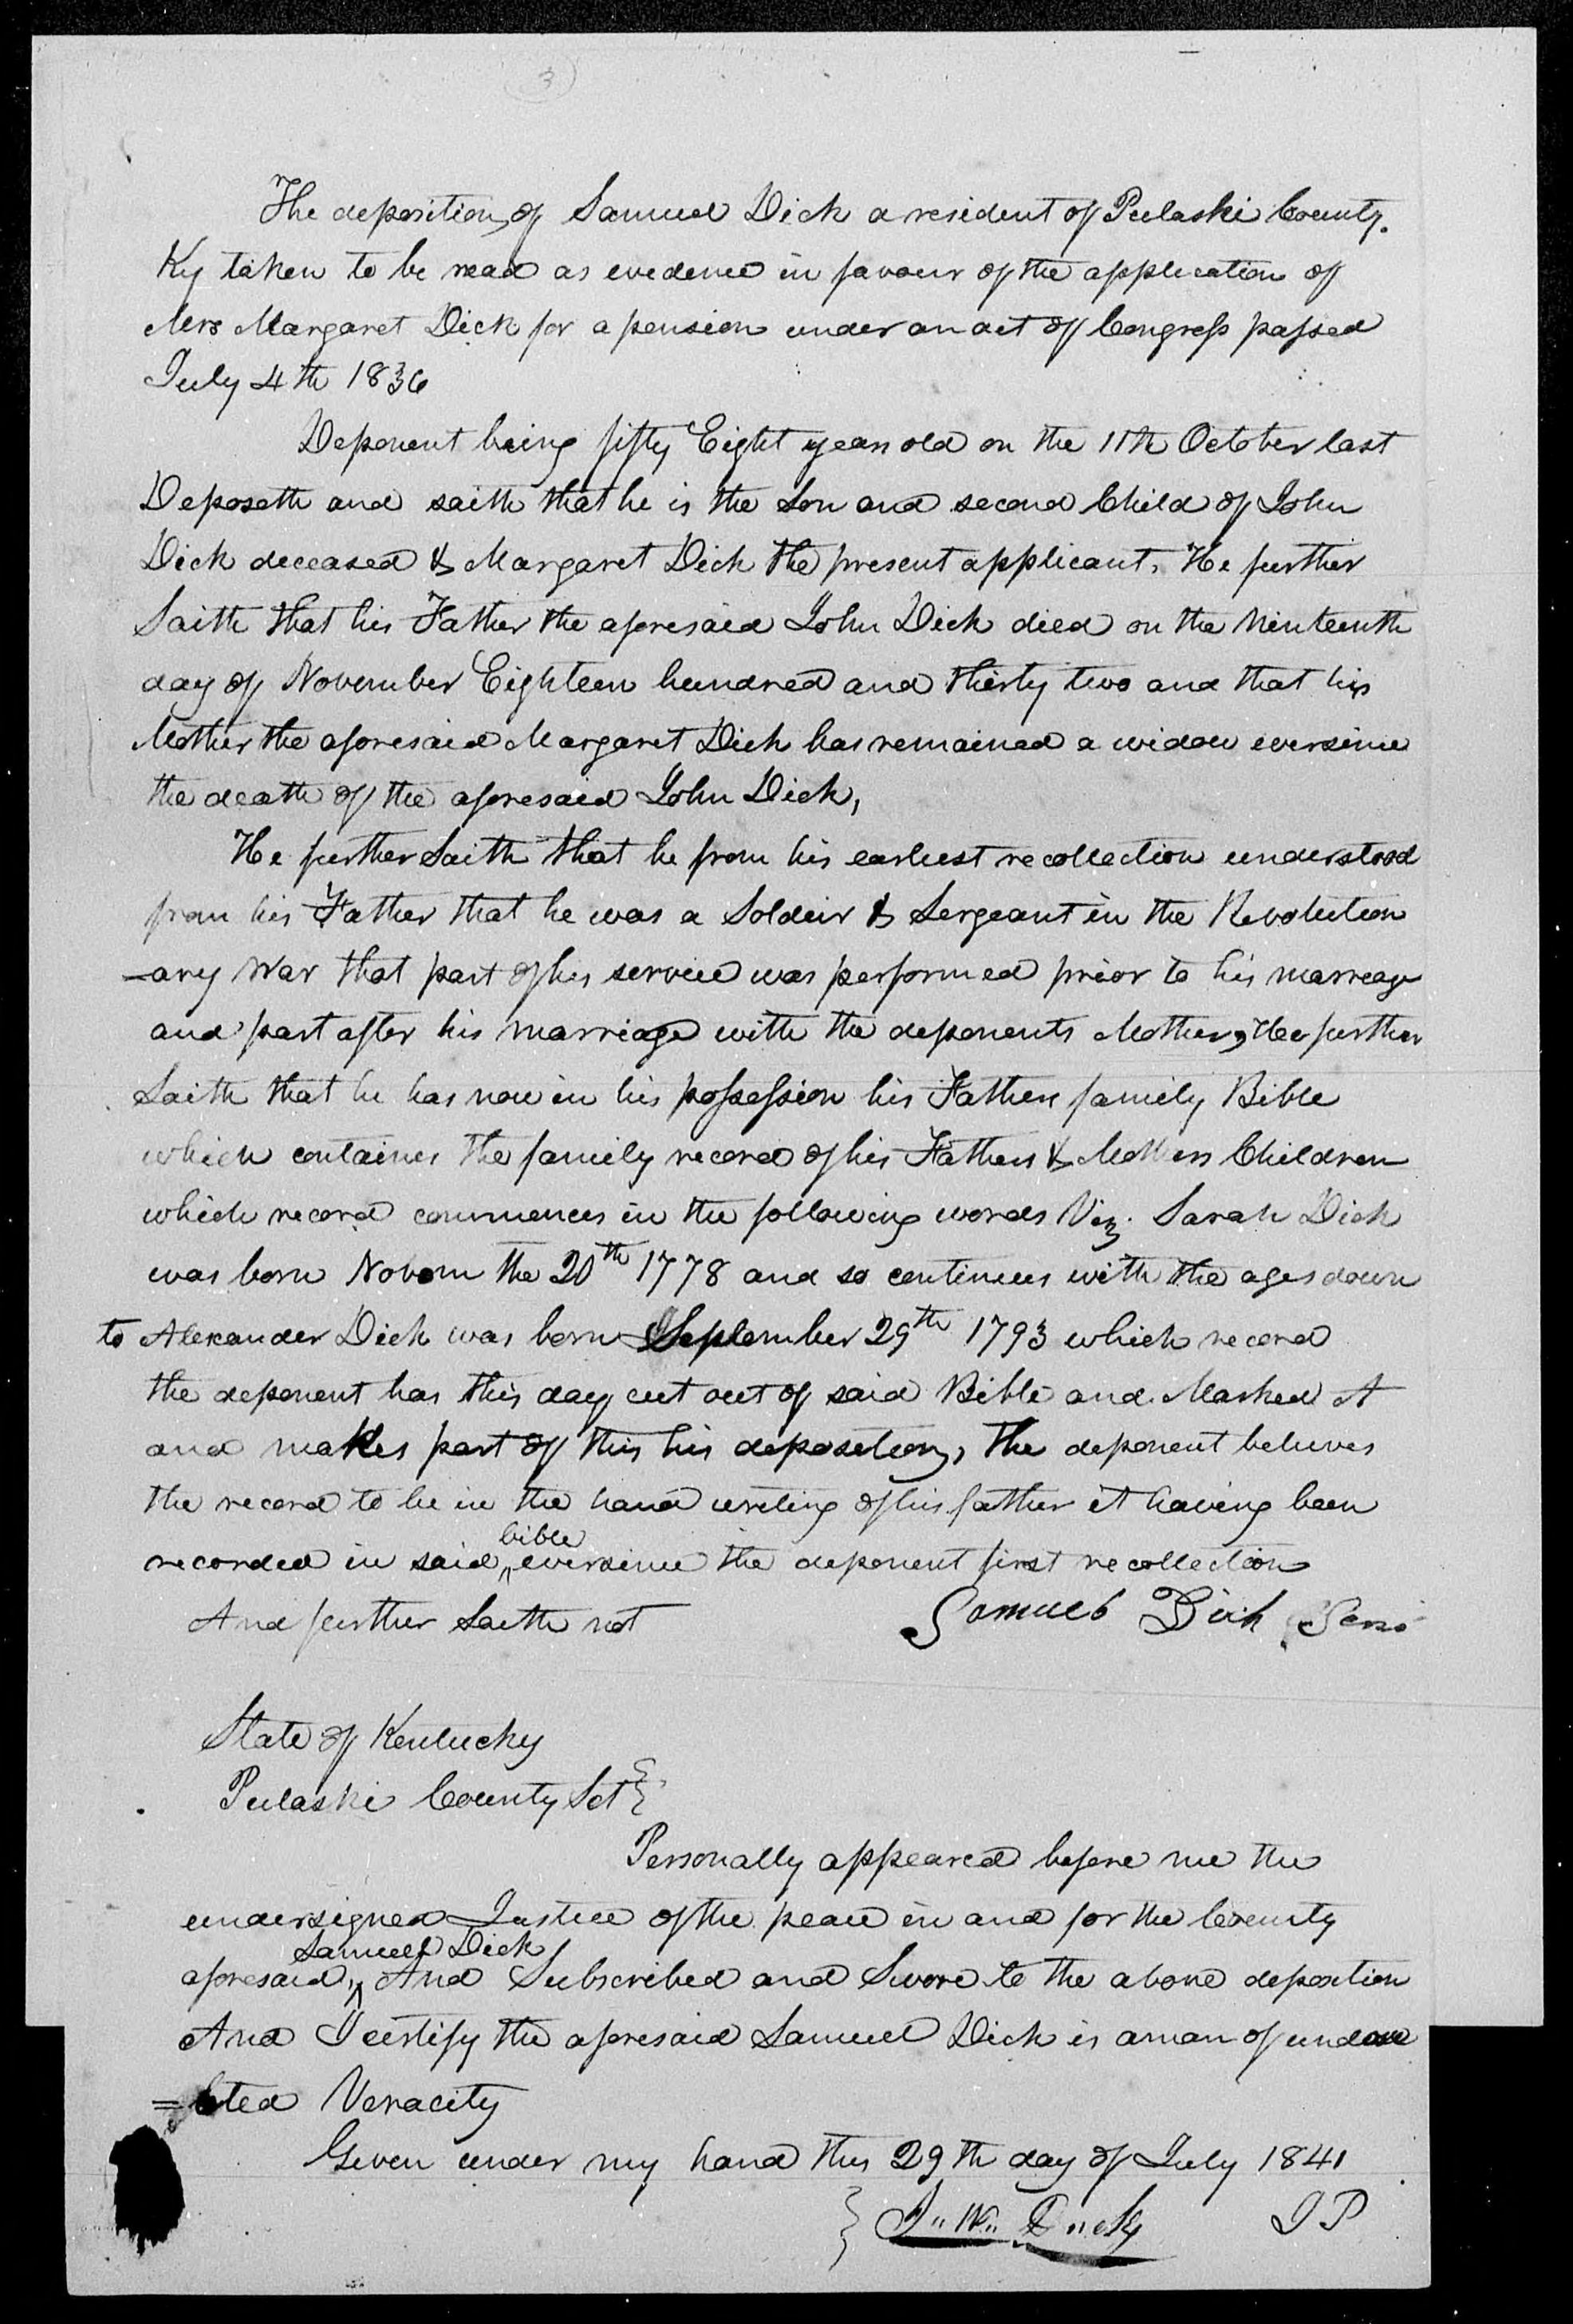The deposition of Samuel Dick a resident of Pulaski County. Ky taken to be read as evidence in favour of the application of Mrs Margaret Dick for a pension under an act of Congress passed July 4th 1836 
Deponent being fifty Eight years old on the 11th October last Deposeth and saith that he is the son and second child of John Dick deceased & Margaret Dick the present applicant. He further Saith that his Father the aforesaid John Dick died on the ninteenth day of November Eighteen hundred and thirty two and that his Mother the aforesaid Margaret Dick has remained a widow ever since the death of the aforesaid John Dick, 
He further saith that he from his earliest recollection understood from his Father that he was a soldier & Sergeant in the Revolutionary war that part of his service was performed prior to his marriage and part after his marriage with the deponents mother, the further Saith that he has now in his possession his Fathers family Bible which containes the family record of his Father & Mother Children which record commences in the following words Viz. Sarah Dick was born Novem the 20th 1778 and so continues with the ages down to Alexander Dick was born September 29th 1793 which record the deponent has this day cut out of said Bible and marked it and makes part of this his deposition, the deponent believes the record to be in the hand writing of his father it having been recorded in said bible eversince the deponent first recollection. And further Saith not. Samuel Dick Son State of Kentucky Pulaski County Set 
Personally appeared before me the undersigned Justice of the peace in and for the County aforesaid Samuel Dick, And Subscribed and swore to the above deposition And I certify the aforesaid Samuel Dick is a man of underated Veracity Given under my hand this 29th day of July 1841  [illegible] J P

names: John Dick, Samuel Dick, Sarah Dick, J W Dieck, Alexander Dick, Samuel Dick, Samuel Dick, Margaret Dick, John Dick, John Dick, Samuel Dick, Margaret Dick, Margaret Dick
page: 30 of 31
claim: widow's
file: W. 8668, John Dick, S C